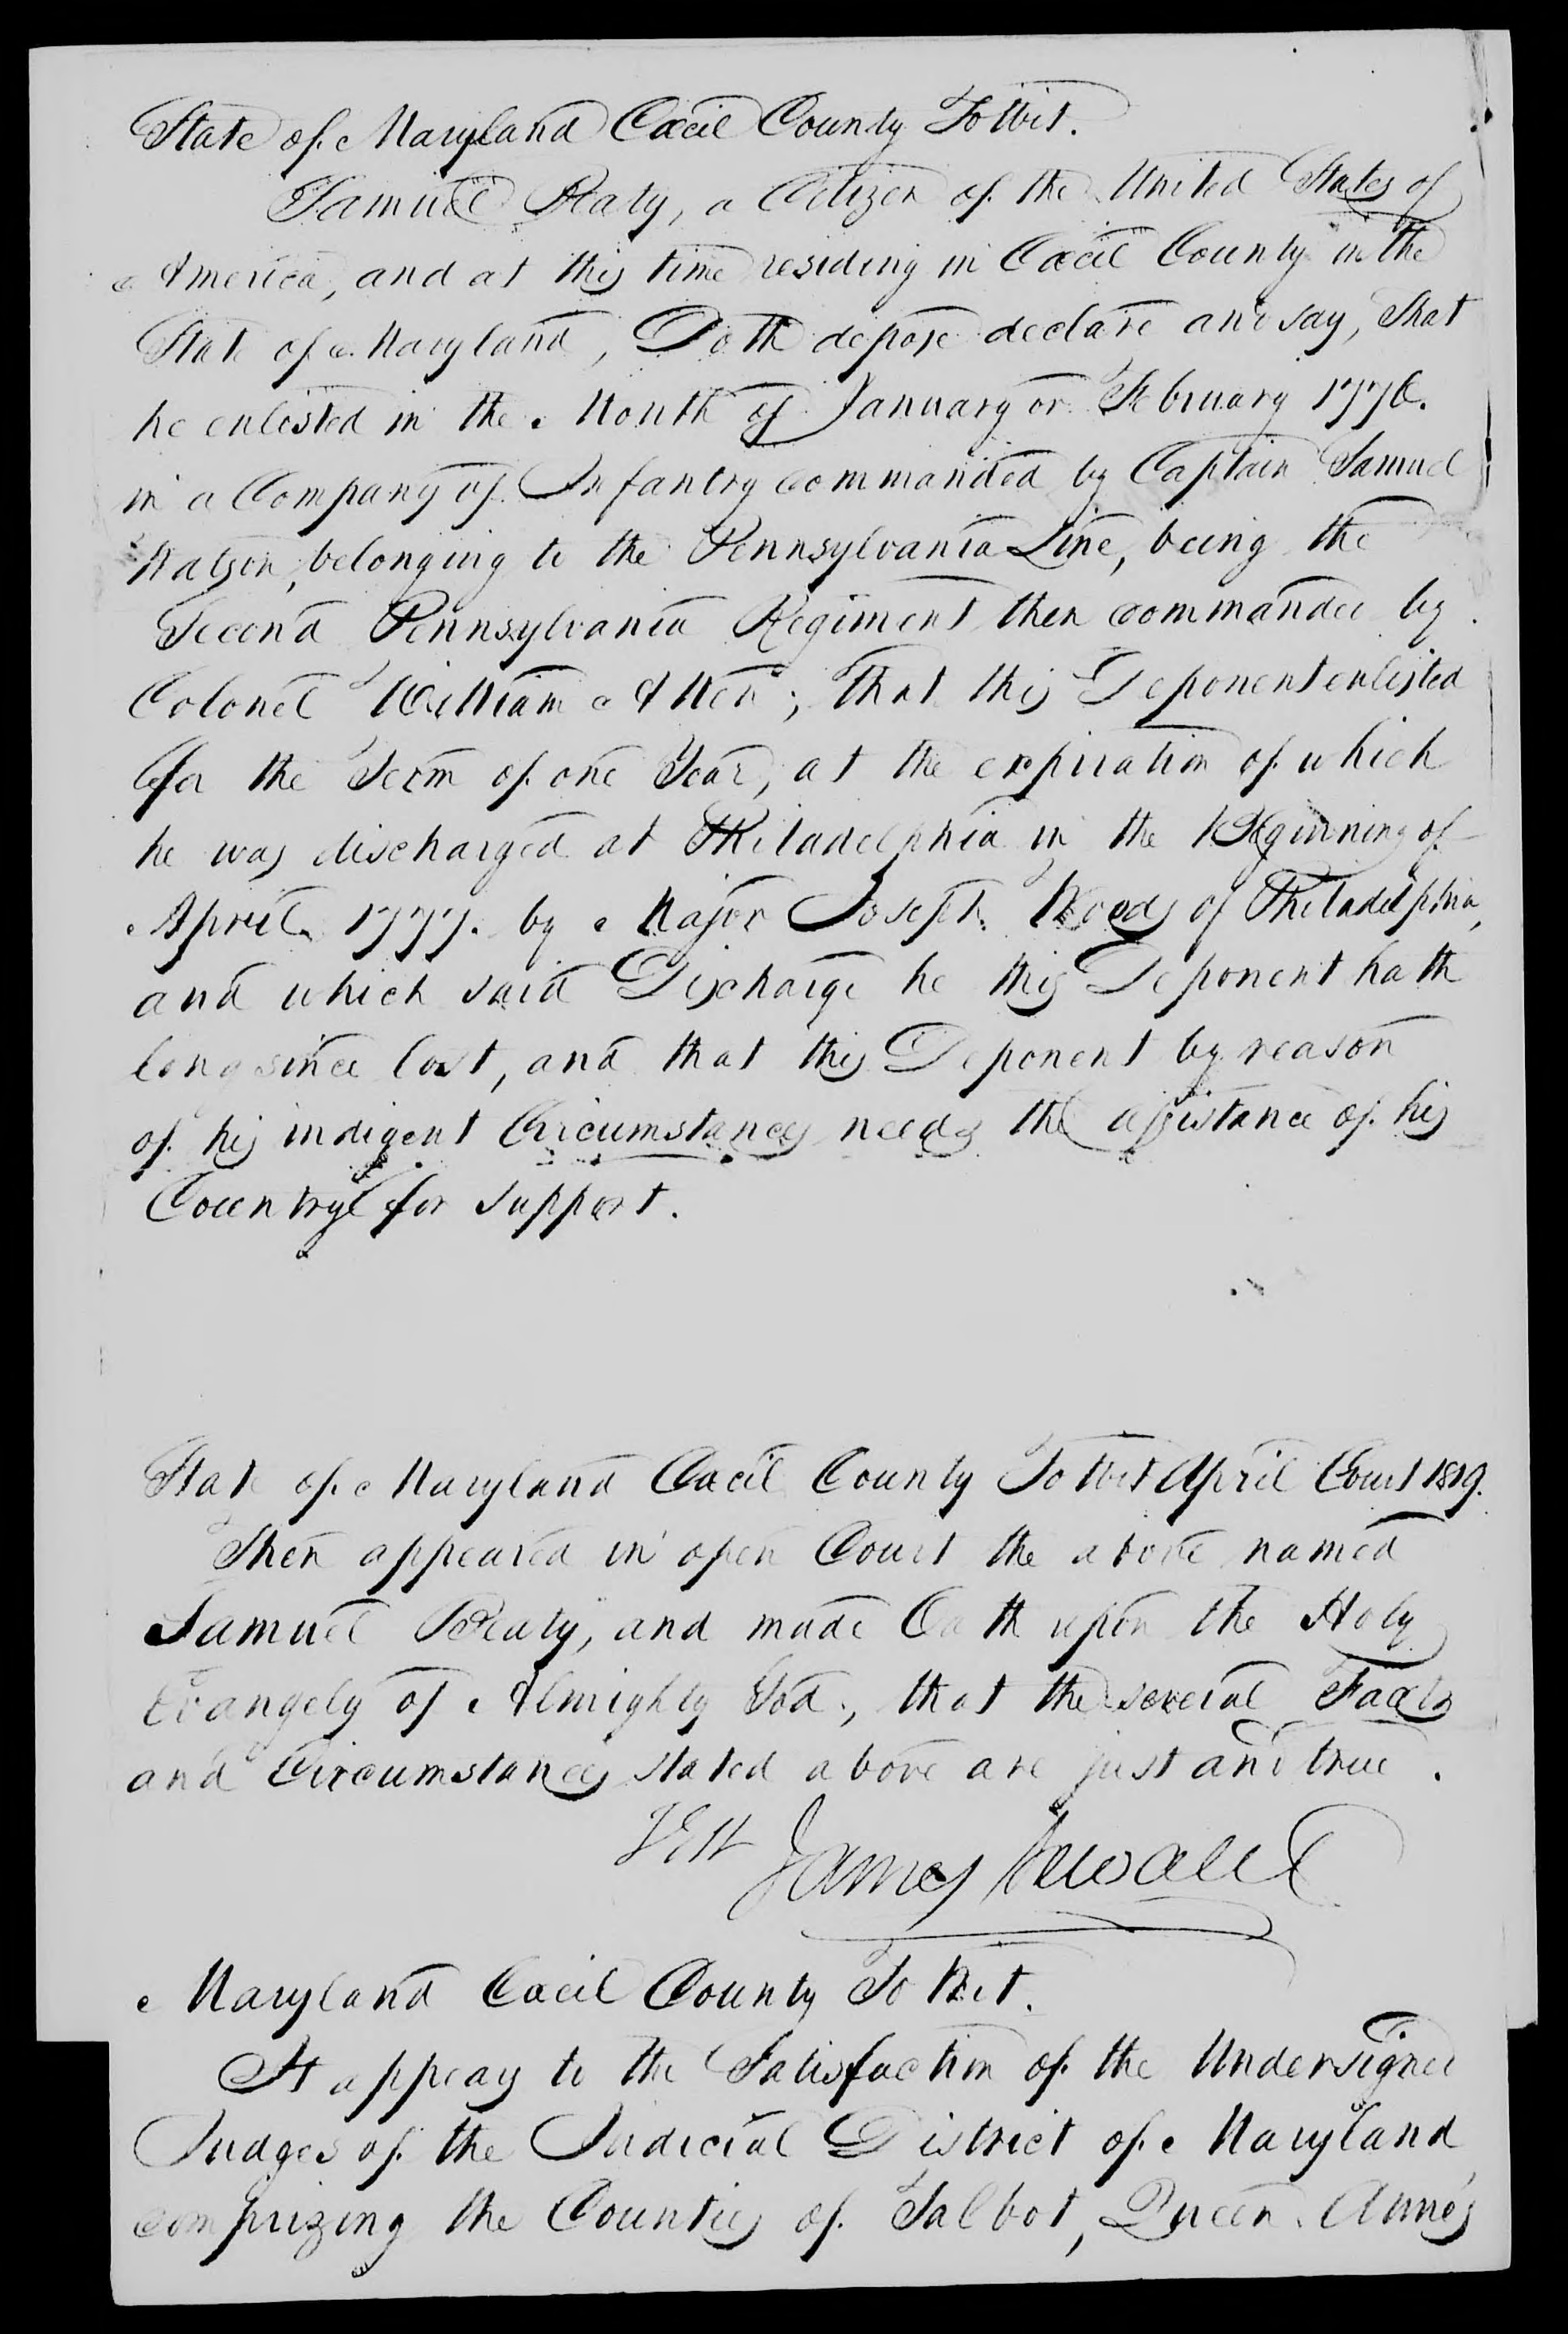State of Maryland
Cecil County to wit.

Samuel Beaty, a citizen of the United States of America and at this time residing in Cecil County in the state of Maryland, doth depose, declare and say that he enlisted in the month of January or February 1776 in a company of Infantry commanded by Captain Samuel Watson, belonging to the Pennsylvania Line, being the Second Pennsylvania Regiment then commanded by Colonel William Allen; that this deponent enlisted for the term of one year, at the expiration of which he was discharged at Philadelphia in the beginning of April 1777, by a Major Joseph Woods of Philadelphia and which said discharge this deponent hath long since lost, and that this deponent by reason of his indigent circumstances needs the assistance of his country for support

That (illegible) Maryland Cecil County To Wit April 1829, then appeared in open court the above named Samuel Beaty, and made oath upon the Holy Evangely of Almighty God, that the several facts and circumstances stated above are just and true.
Signed: James Sewall

Maryland Cecil County to wit.
It appears to the satisfaction of the undersigned judges of the Judicial District of Maryland, comprising the counties of Talbot, Queen Anne's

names: Joseph Woods, Samuel Beaty, Samuel Watson, Samuel Beaty, William Allen, James Sewall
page: 4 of 31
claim: survivor's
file: S. 34646, Samuel Beaty, Penn.